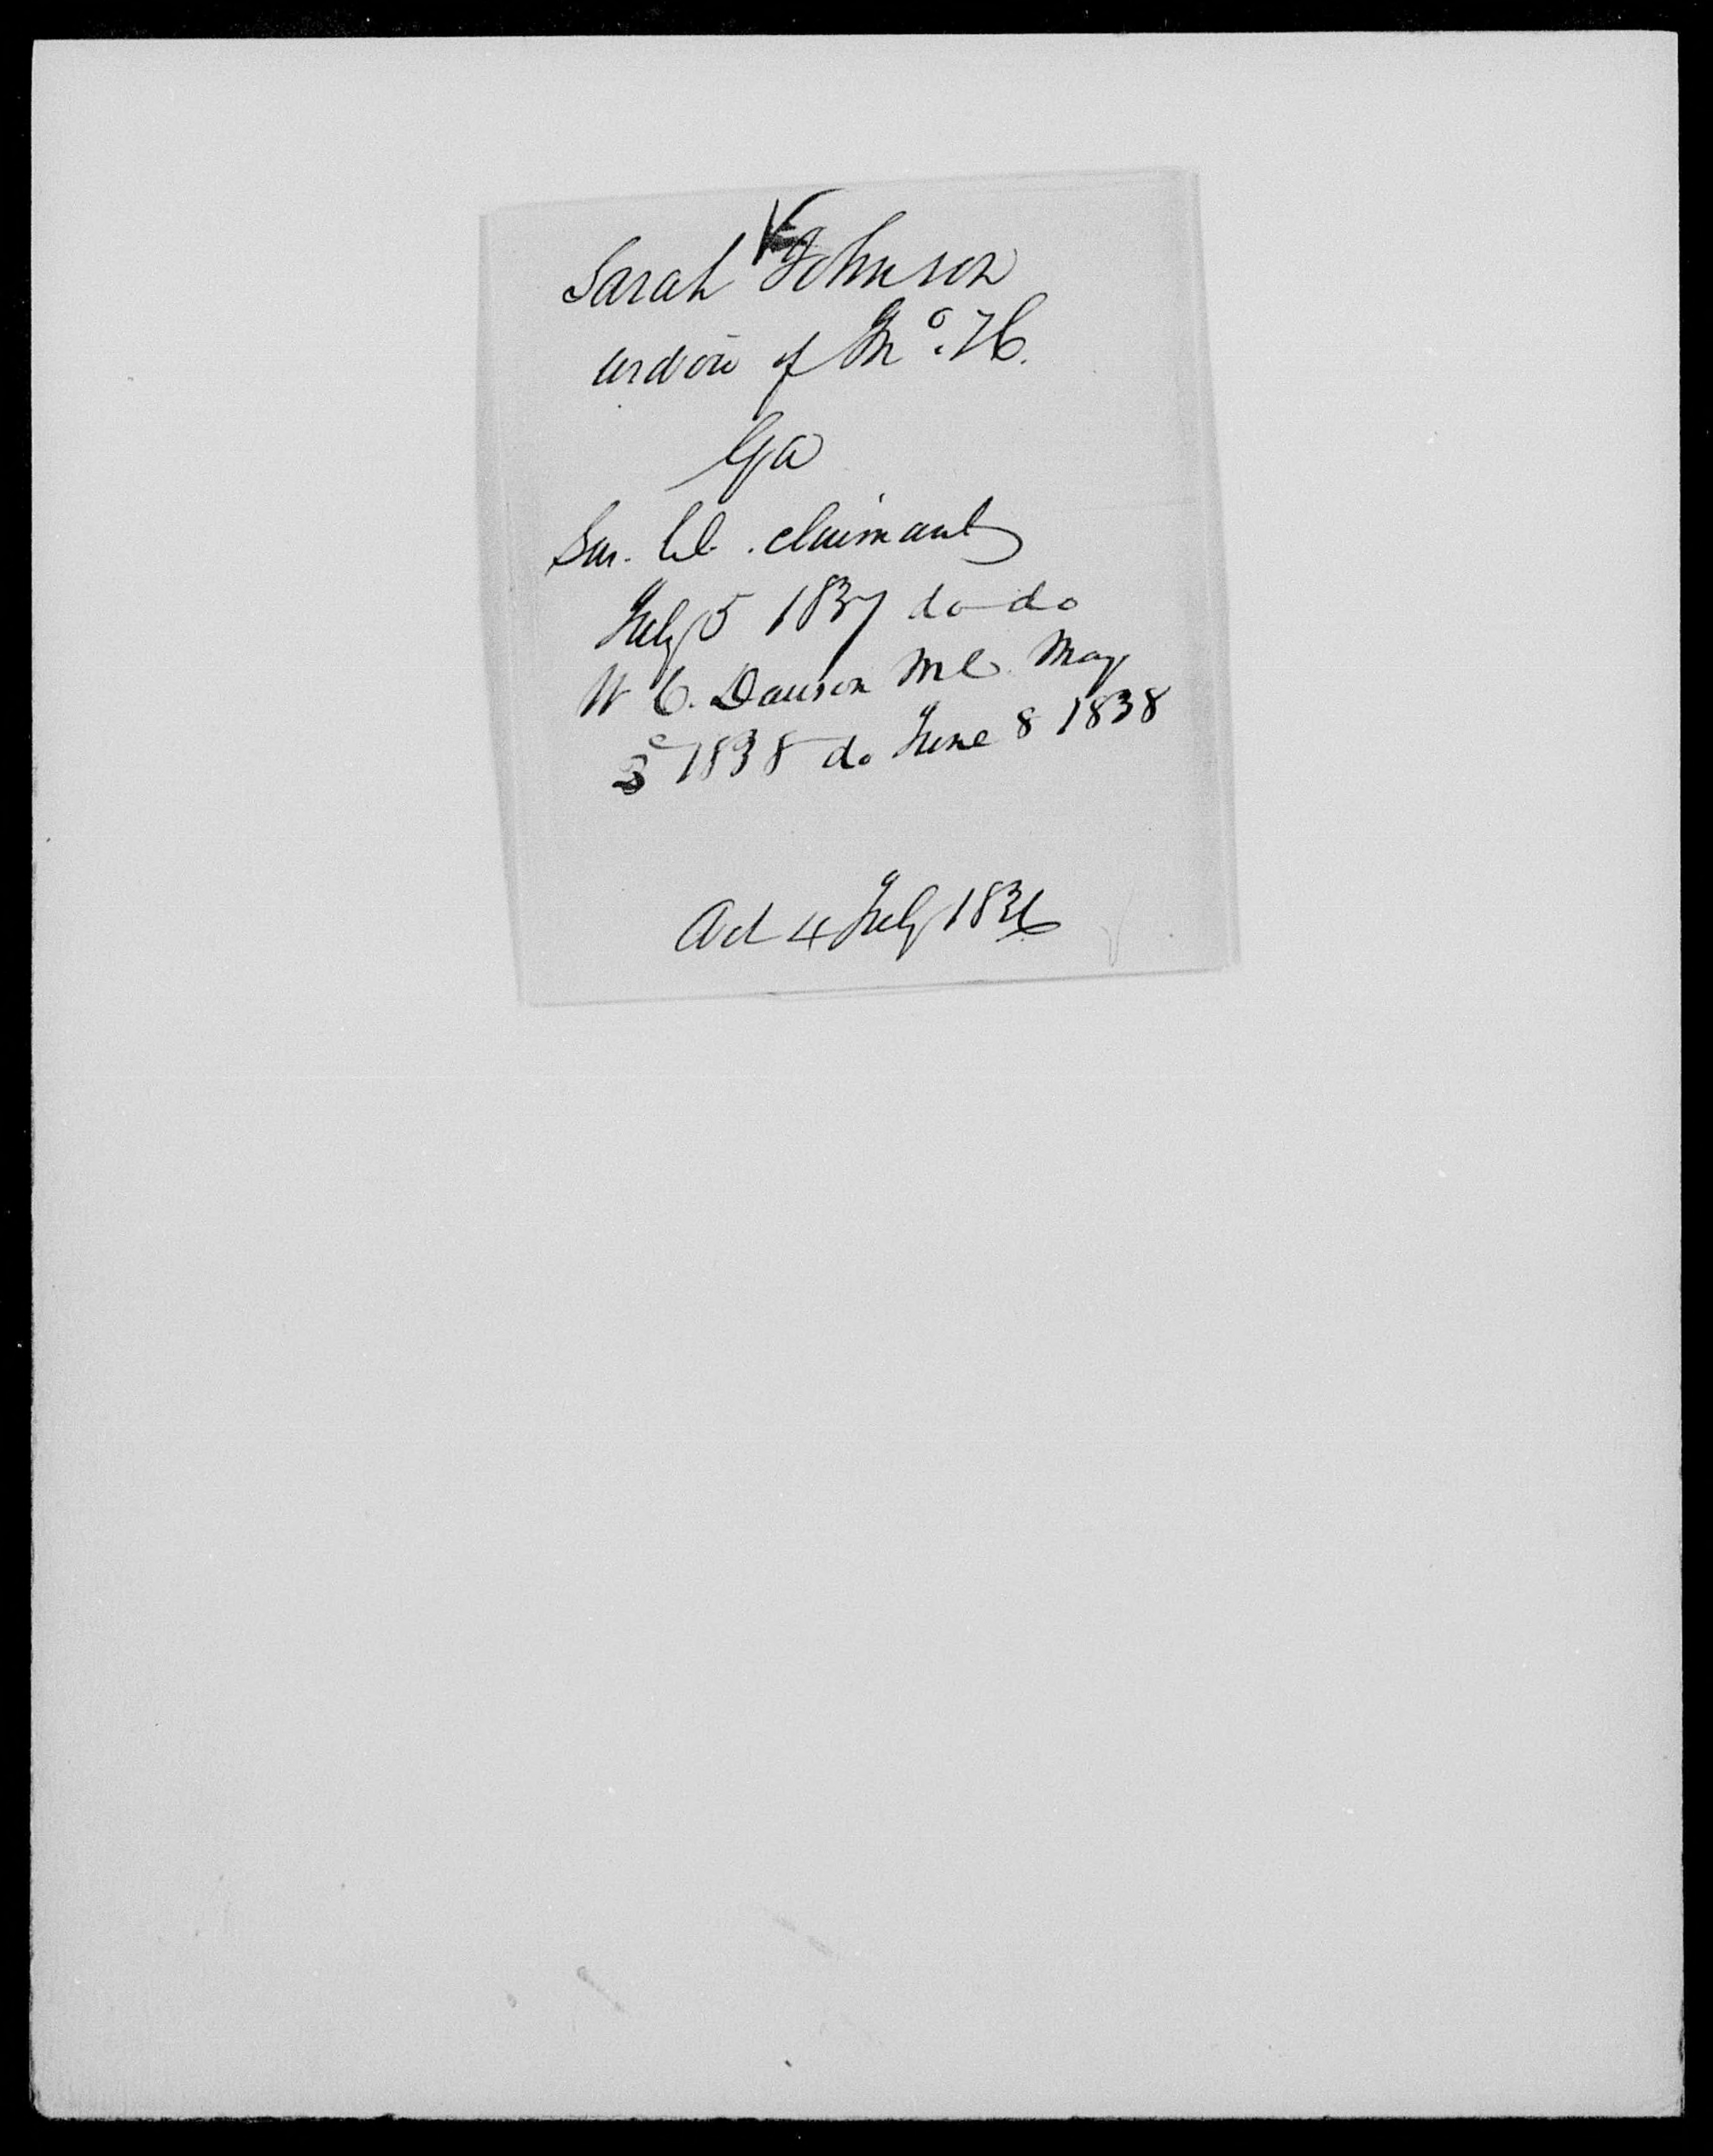Sarah Johnson
Widow of MH.
GA
S Cl claimant
July 5 1837 do do
W C Dawson MC May
3 1838 d June 8 1838

Act 4 July 1836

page: 8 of 26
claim: widow's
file: W. 4464, for John H Johnson, Georgia